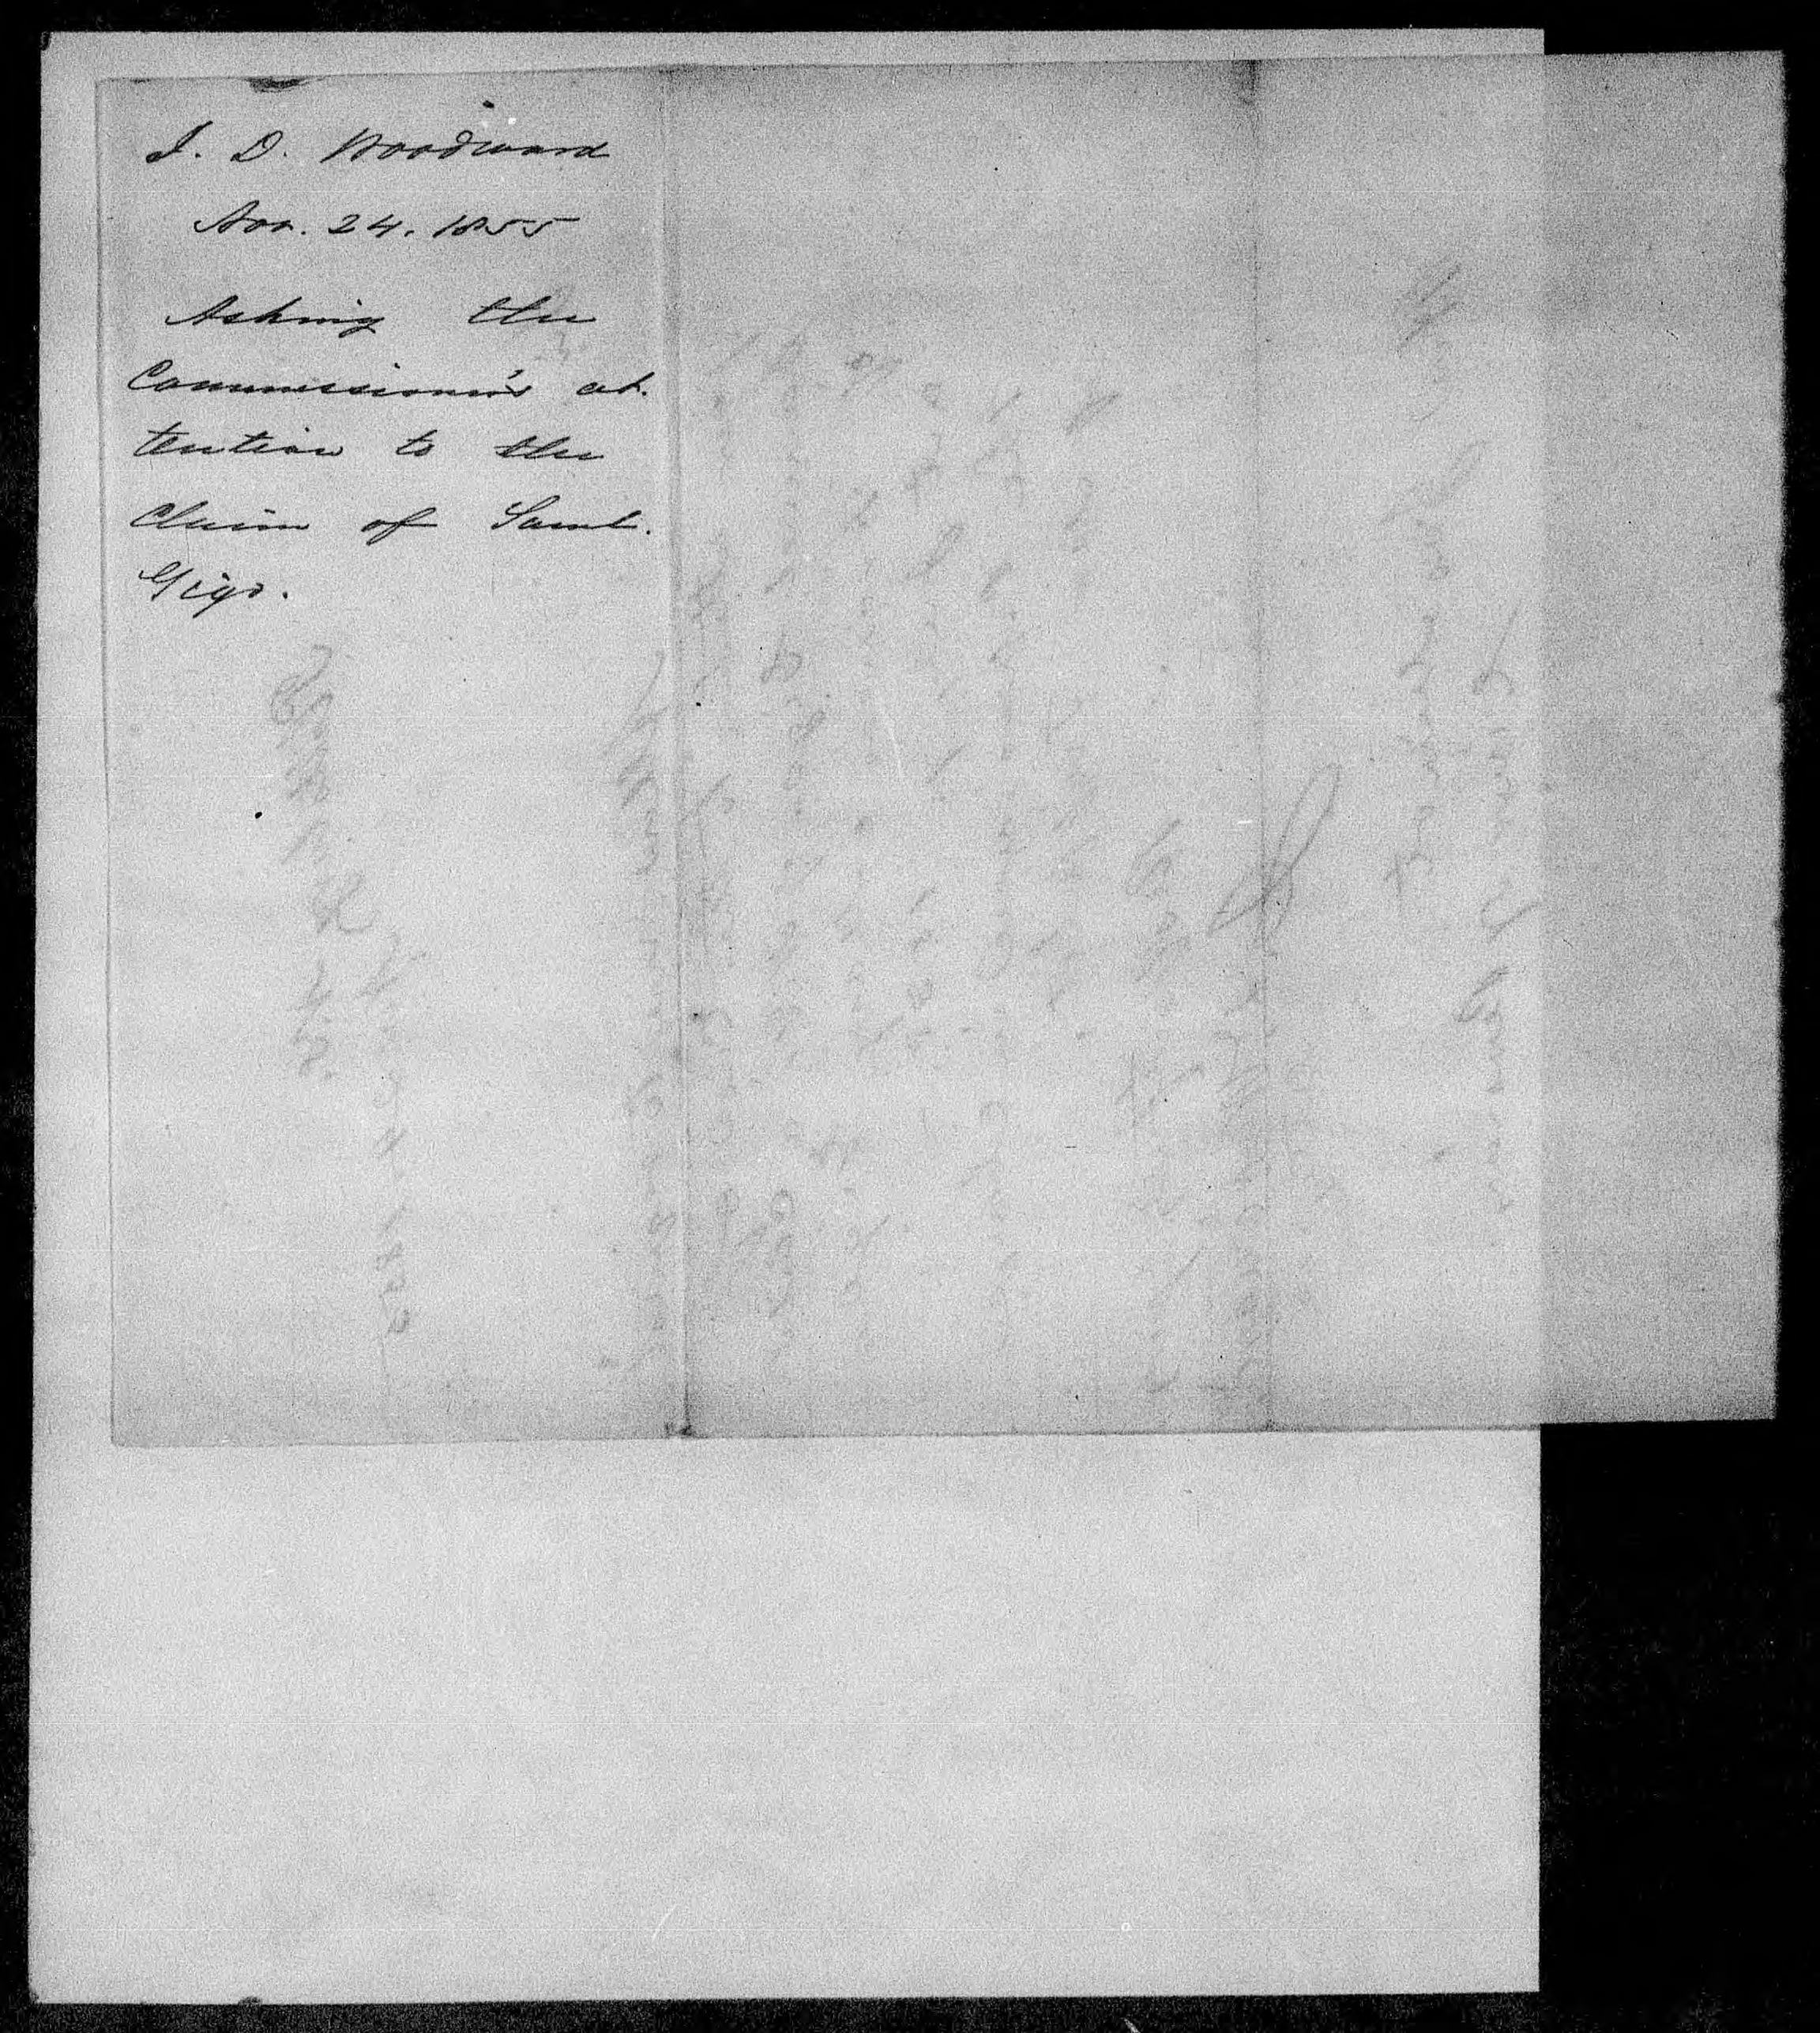J. D. Woodward
Nov. 24. 1855
Asking this Commisioner's attention to the claim of Saml. Gigo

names: J D Woodward, Saml Gigo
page: 79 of 98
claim: widow's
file: W. 21182, Francis Gigo, Continental (Canadian)